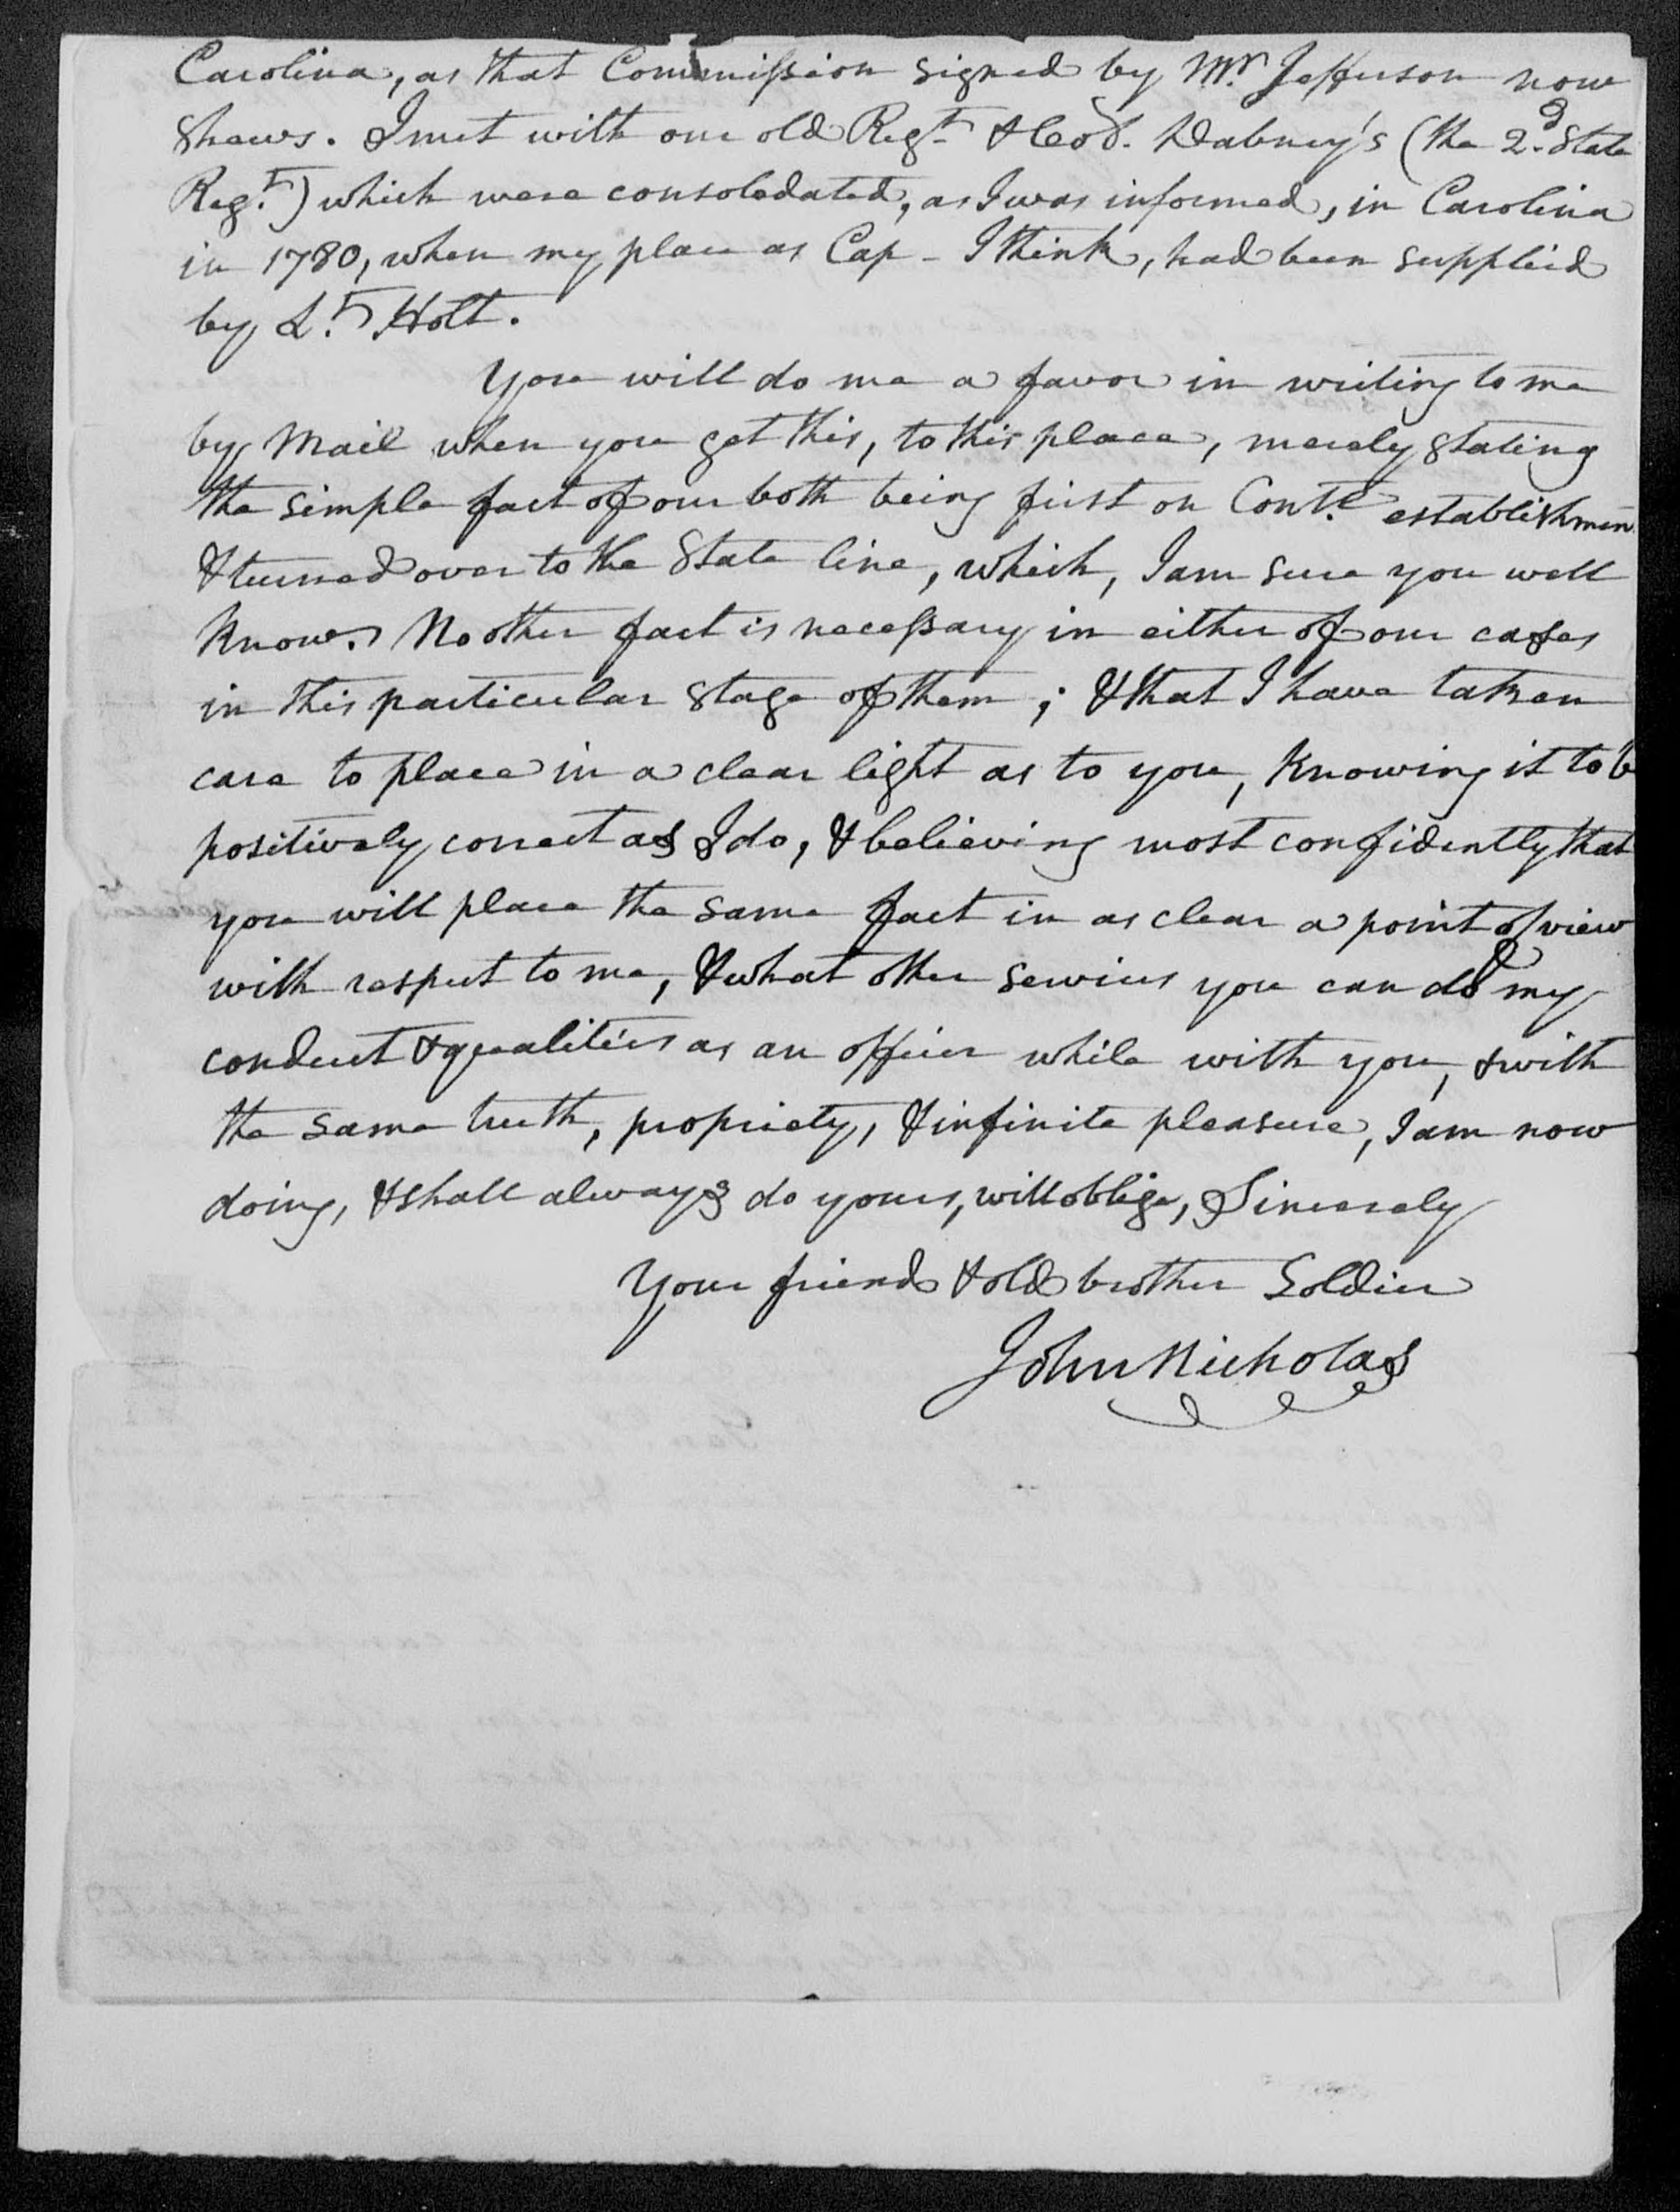Carolina, that Commission signed by Mr. Jefferson now shows. I met with our old Regt. +[and] Col. Dabney's (the 2nd State Regt.) which was consolidated, as I was informed, in Carolina in 1780, when my place as Cap __ I think, had been supplied by Lt. Holt.
You would do me a favor in writing to me by Mail when you get this, to this place, merely stating the simple fact of our both being first on Contl. establishment +[and] turned over to the State line, which, I am sure you well know. No other fact is nacessary in either of our cases in this particular stage of them; +[and] that I have taken care to place in a clear light as to you, knowing it to be positively correct as I do, +[and] believing most confidently that you will place the same fact in as clear a point of view with respect to me, +[and] what other other services you can do my conduct +[and] qualities as an officer while with you, +[and] with the same truth, propriety, +[and] infinite pleasure, I am now doing, +[and] shall always do yours, will oblige, Sincerely
Your friend +[and] old brother Soldier
John Nicholas [signatrure]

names: Jefferson, Shaws, Dabney, John Nicholas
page: 112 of 267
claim: widow's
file: W. 4,149, William Campbell, Va.